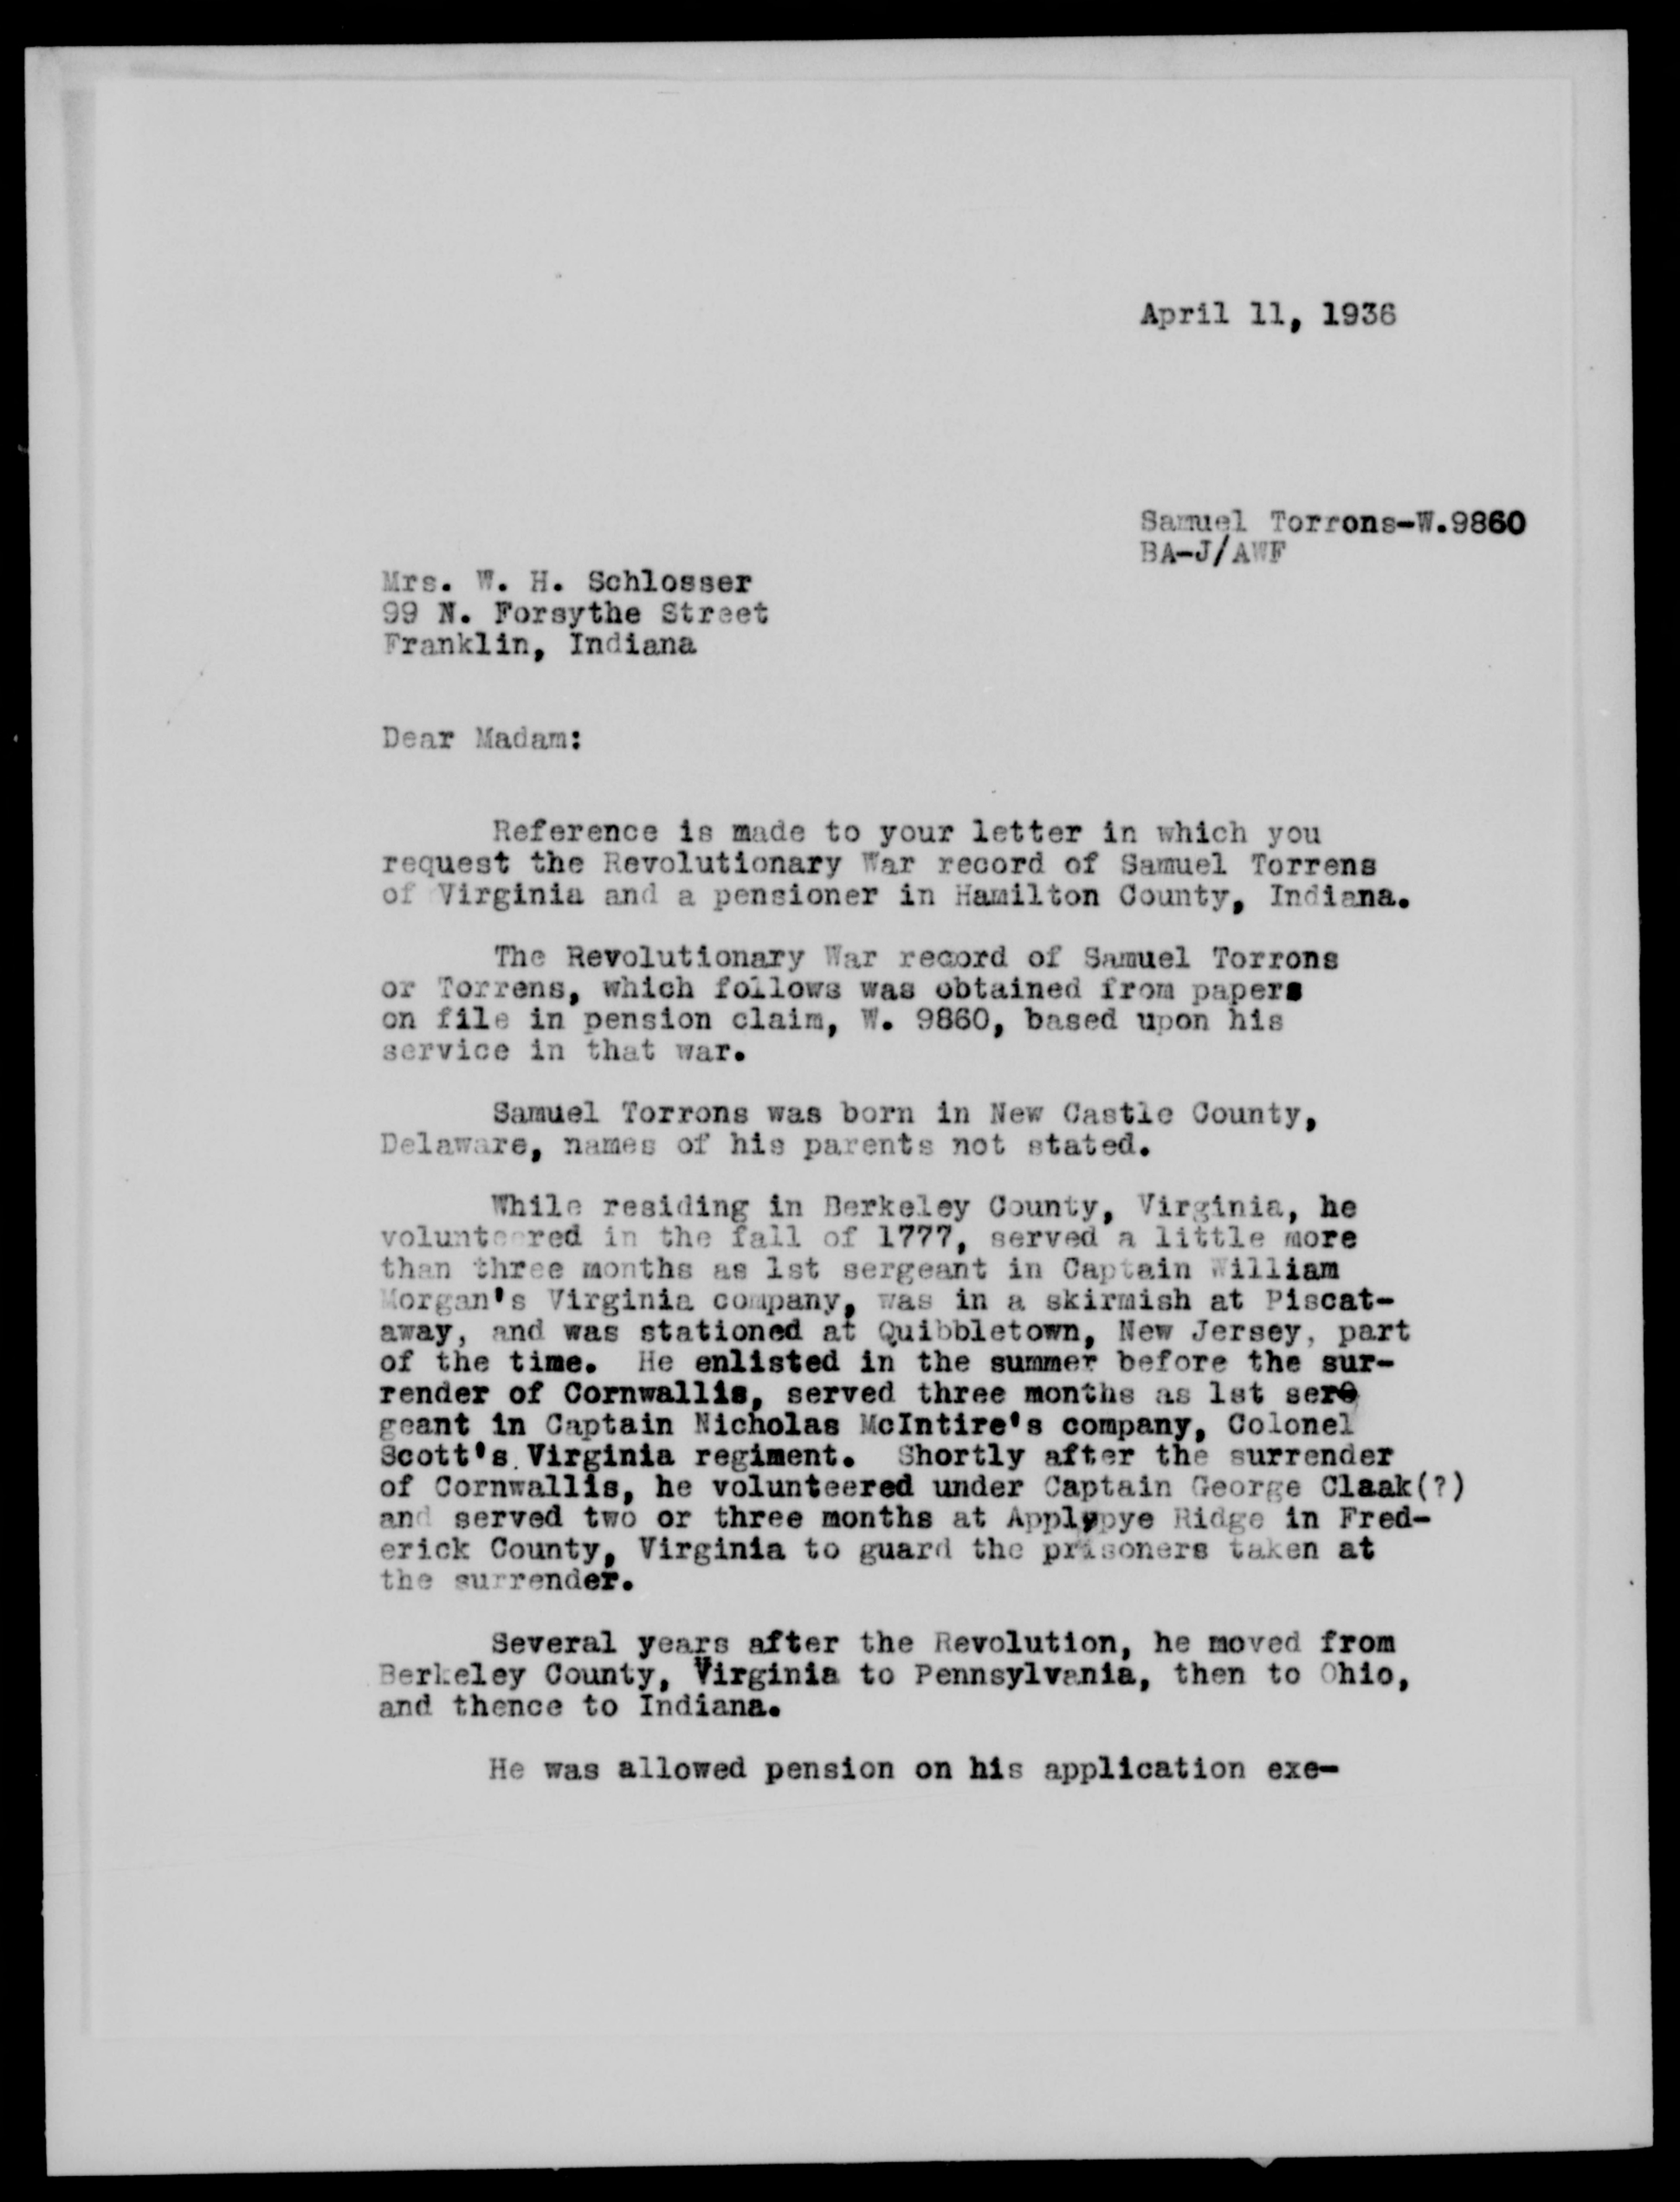April 11, 1936
Samuel Torrons-W.9860
BA-J/AWF
Mrs. W. H. Schlosser
99 N. Forsythe Street
Franklin, Indiana

Dear Madam:
Reference is made to your letter in which you request the Revolutionary War record of Samuel Torrens of Virginia and a pensioner in Hamilton County, Indiana.
The Revolutionary War record of Samuel Torrons or Torrens, which follows was obtained from papers on file in pension claim, W. 9860, based upon his service in that war.
Samuel Torrons was born in New Castle County, Delaware, names of his parents not stated.
While residing in Berkeley County, Virginia, he volunteered in the fall of 1777, served a little more than three months as 1st sergeant in Captain William Morgan's Virginia company, was in a skirmish at Piscataway, and was stationed at Quibbletown, New Jersey, part of the time. He enlisted in the summer before the surrender of Cornwallis, served three months as 1st sergeant in Captain Nicholas McIntire's company, Colonel Scott's Virginia regiment. Shortly after the surrender of Cornwallis, he volunteered under Captain George Claak (?) and served two or three months at Applepye Ridge in Frederick County, Virginia to guard the prisoners taken at the surrender.
Several years after the Revolution, he moved from Berkeley County, Virginia to Pennsylvania, then to Ohio, and thence to Indiana.
He was allowed pension on his application exe-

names: Samuel Torrens, Samuel Torrons, W H Schlosser, Samuel Torrons, Samuel Torrons, George Claak, Samuel Torrens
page: 17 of 27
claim: widow's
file: W. 9860, Samuel Torrons, Va.